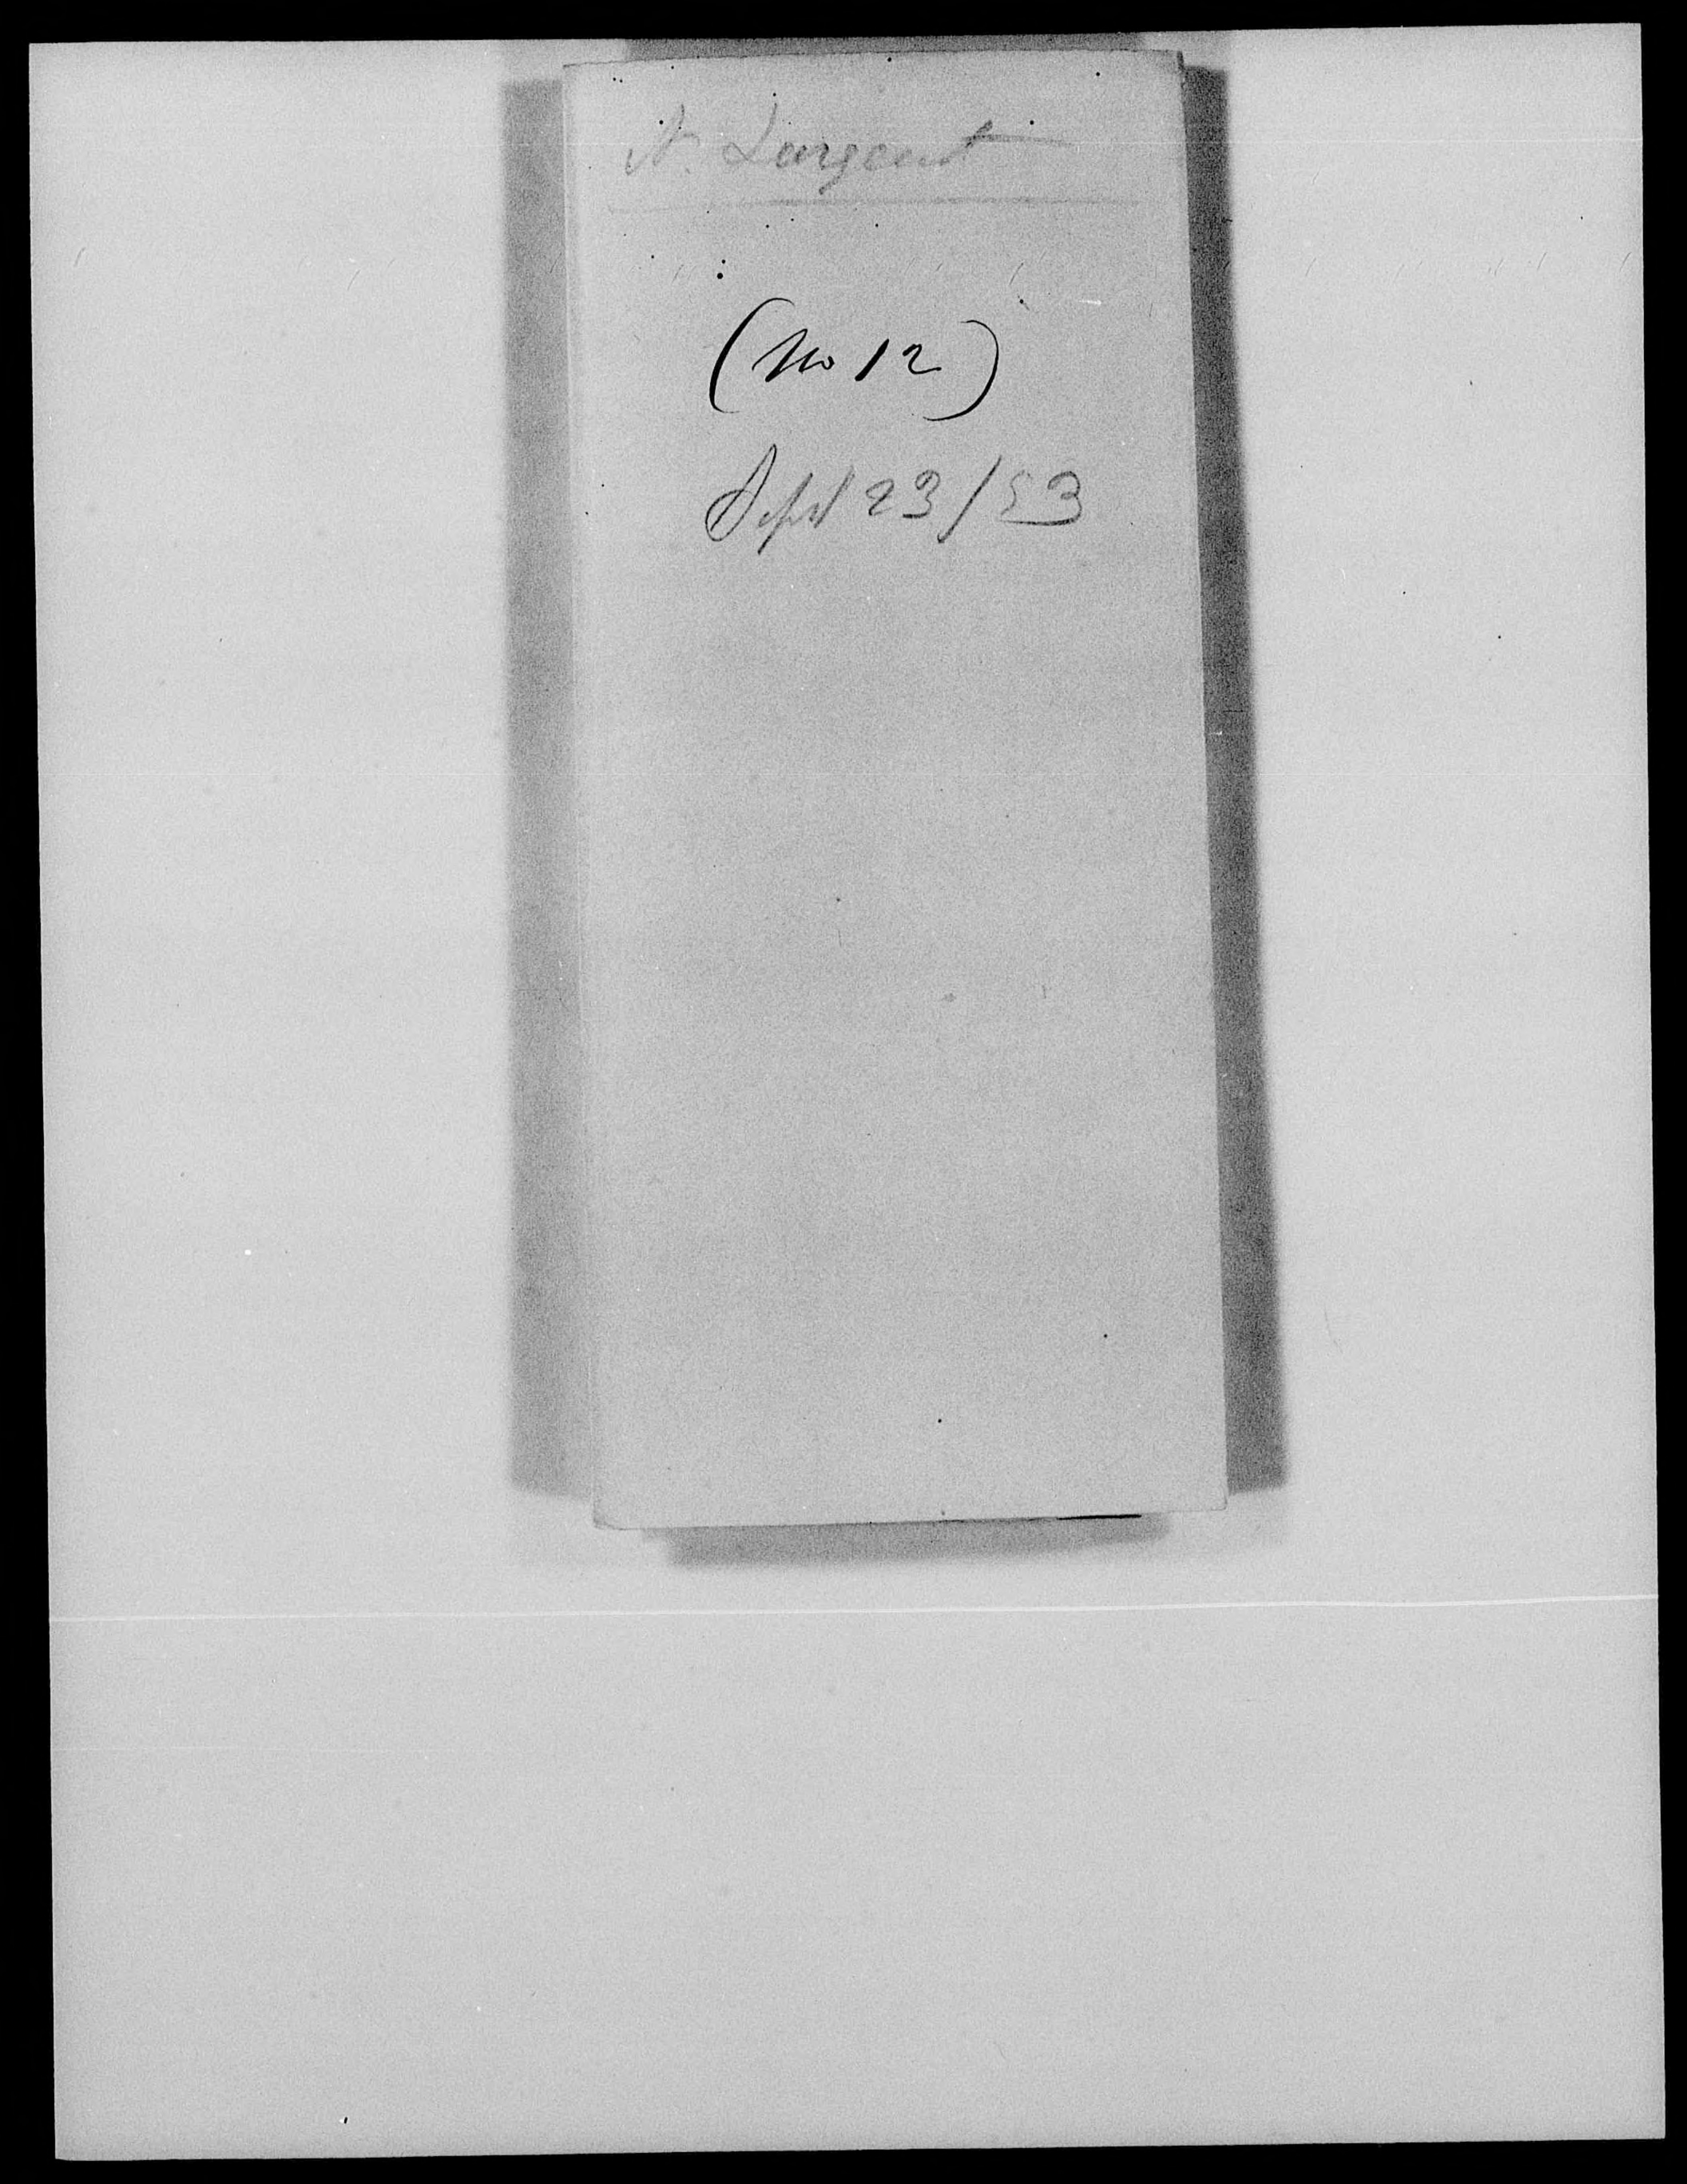N. Sargent
(No. 12)
Sep. 23/'53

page: 47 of 95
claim: survivor's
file: S 2889, for Levi Mundy, New Jersey